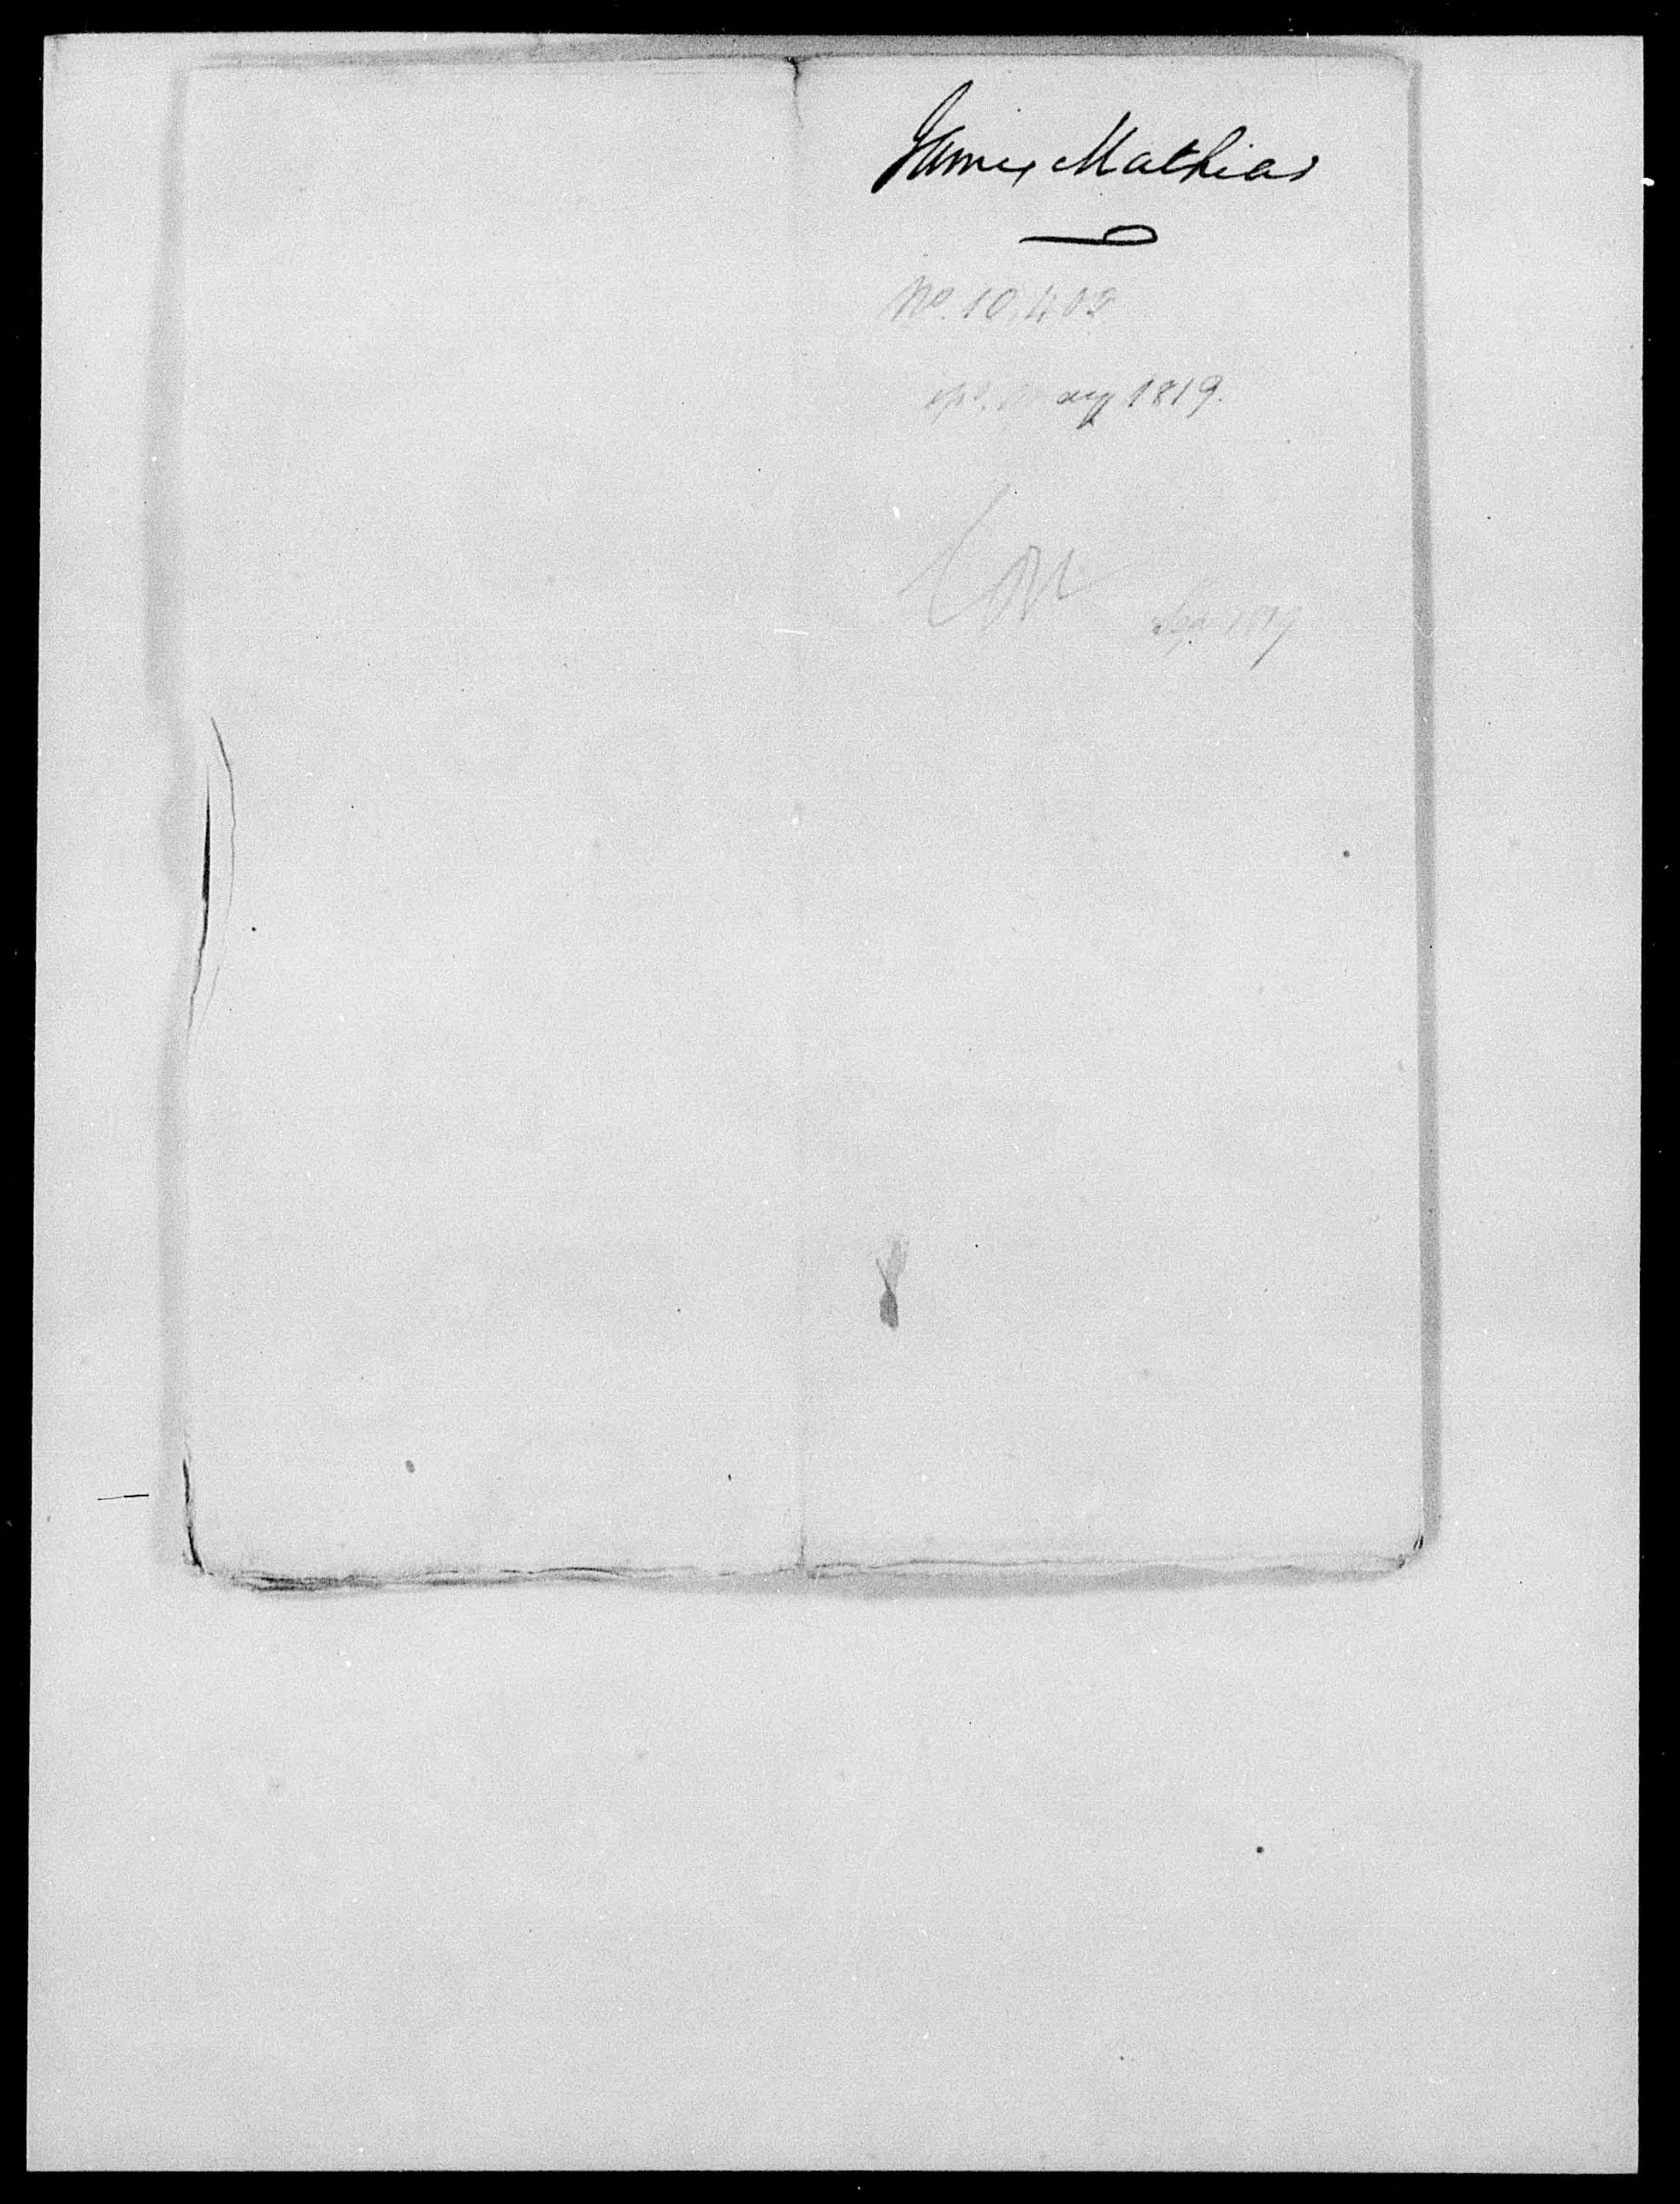James Mathias

No 10.400

May 1819

con
Sep 1819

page: 7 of 20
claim: survivor's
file: S. 40,119, for James Mathias, Maryland